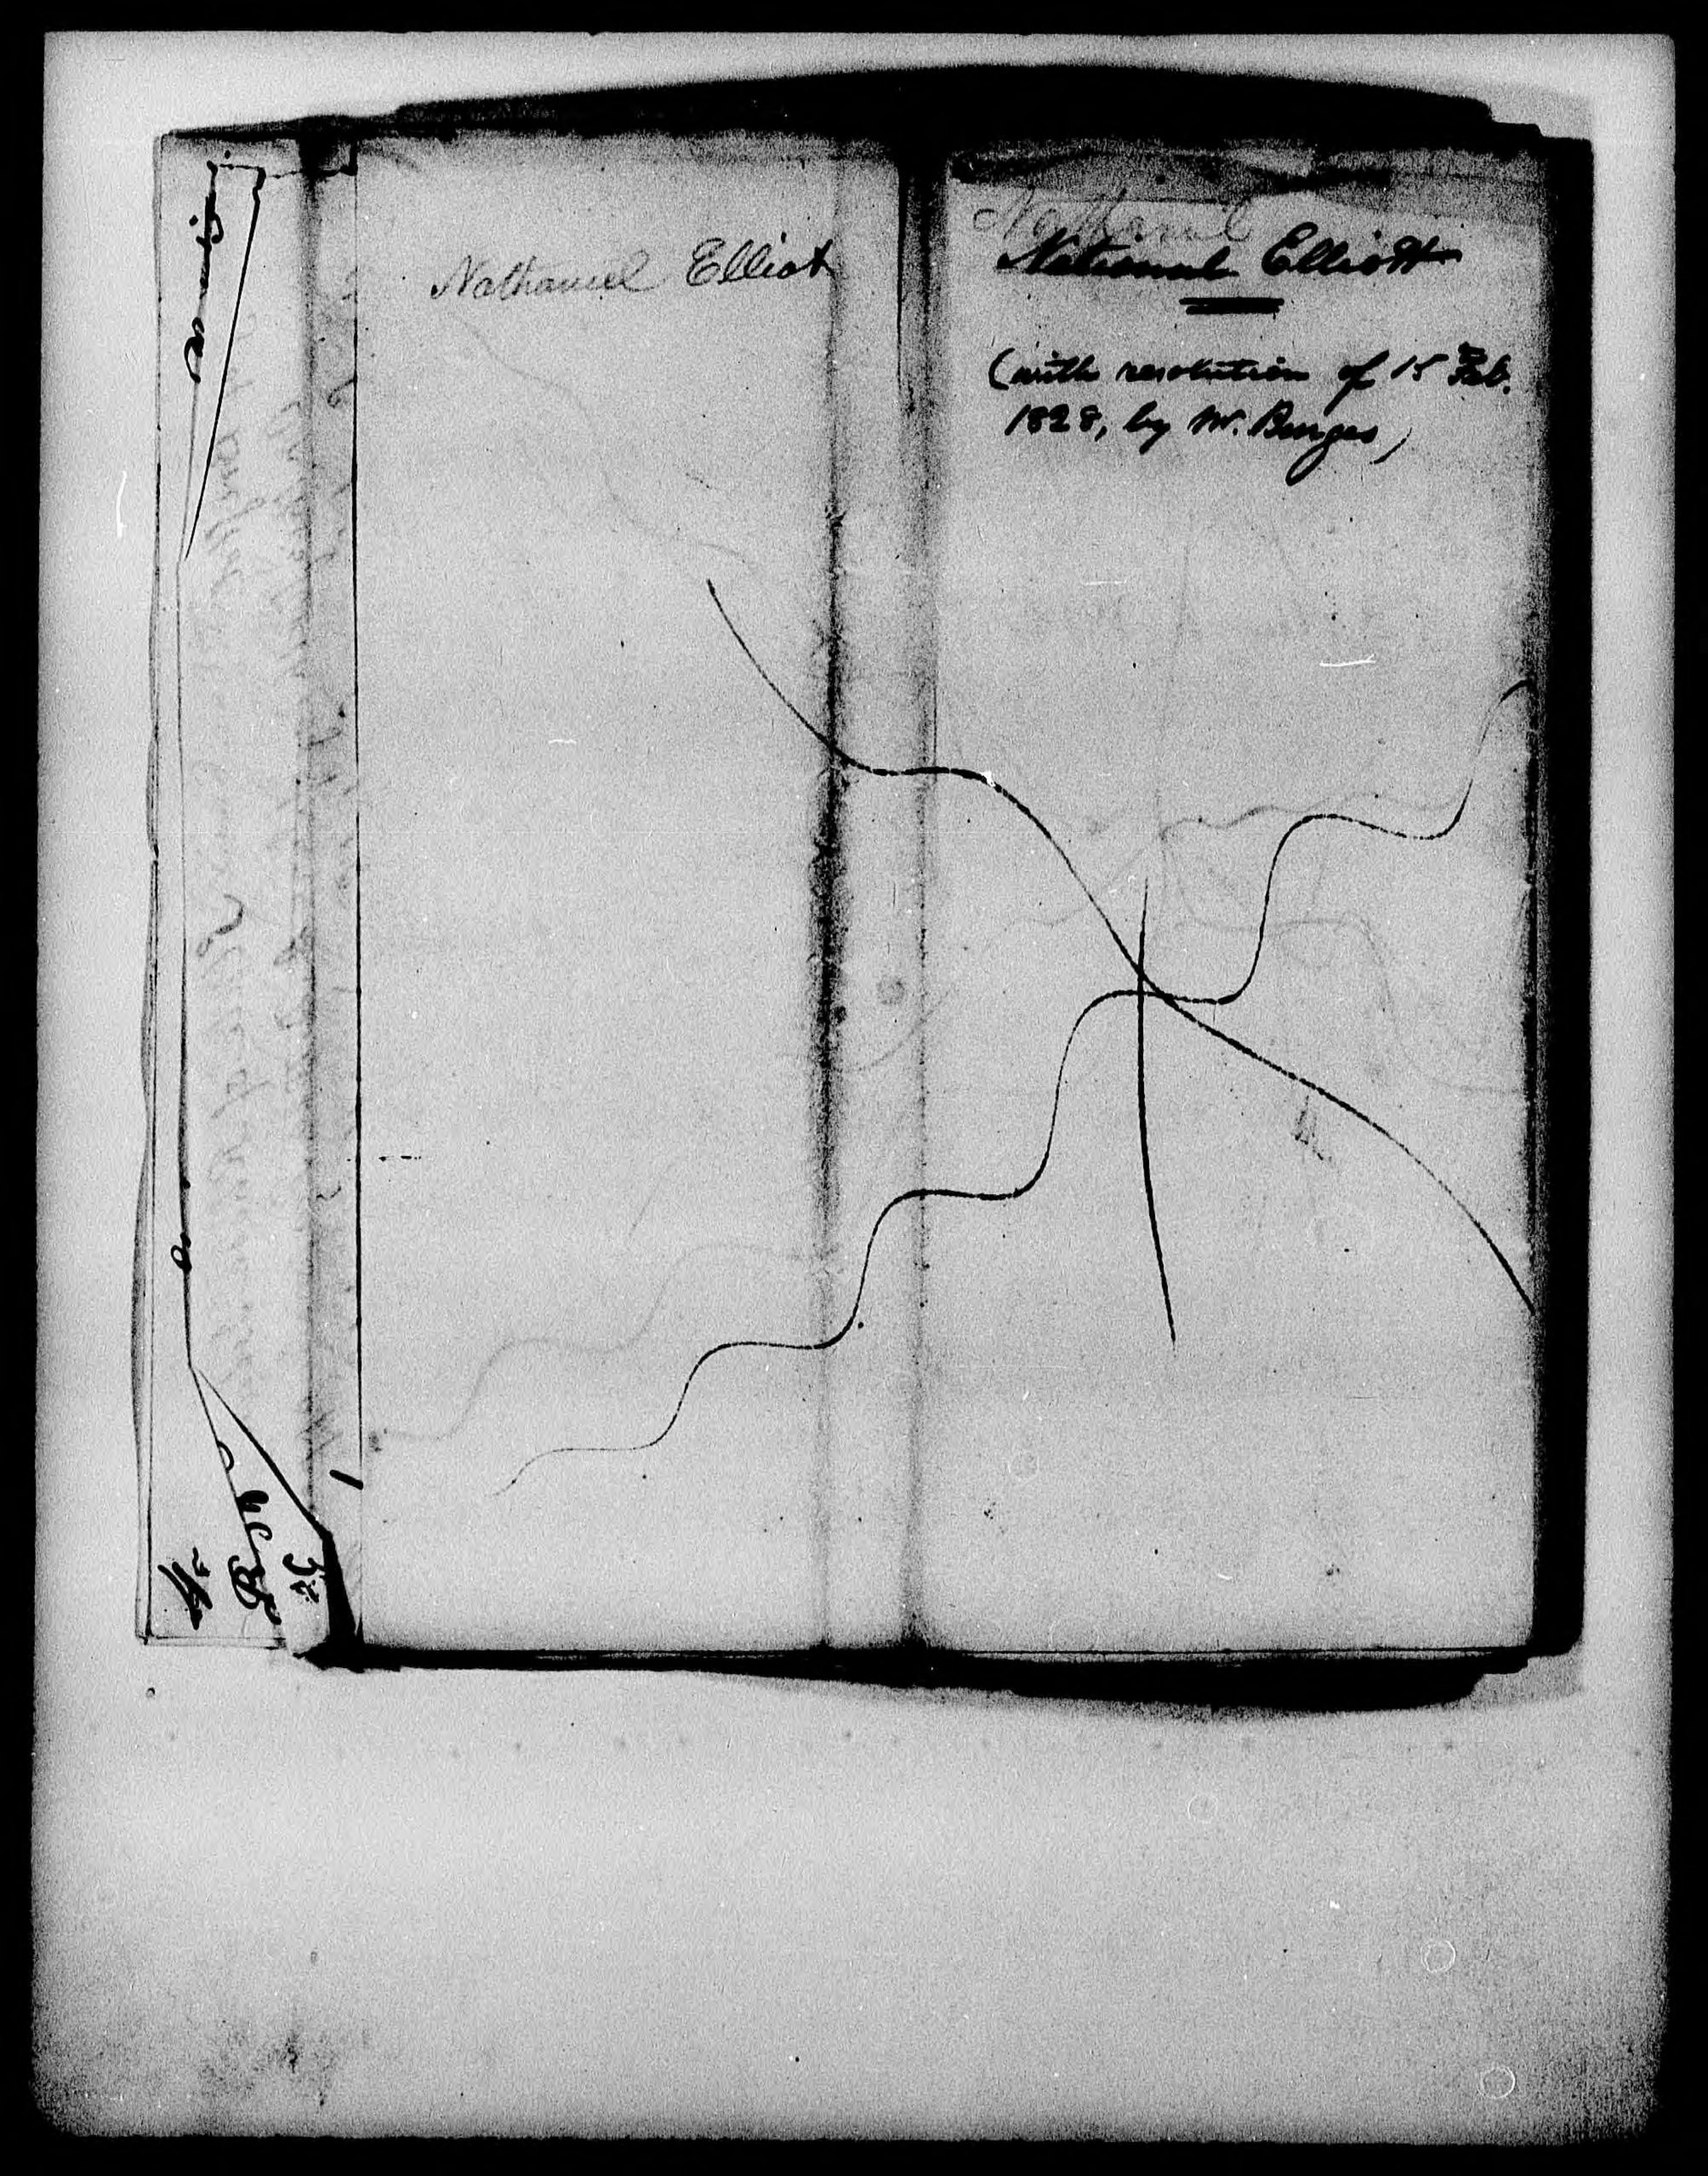Nathaniel Elliot
Nathaniel Elliott (with resolution of [illegible] 1828 by Mr. Burges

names: Nathaniel Elliot, Nathaniel Elliott, Nathaniel Elliott, Burges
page: 23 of 29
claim: survivor's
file: S. 38679, Nathaniel Elliot, Continental R.I.